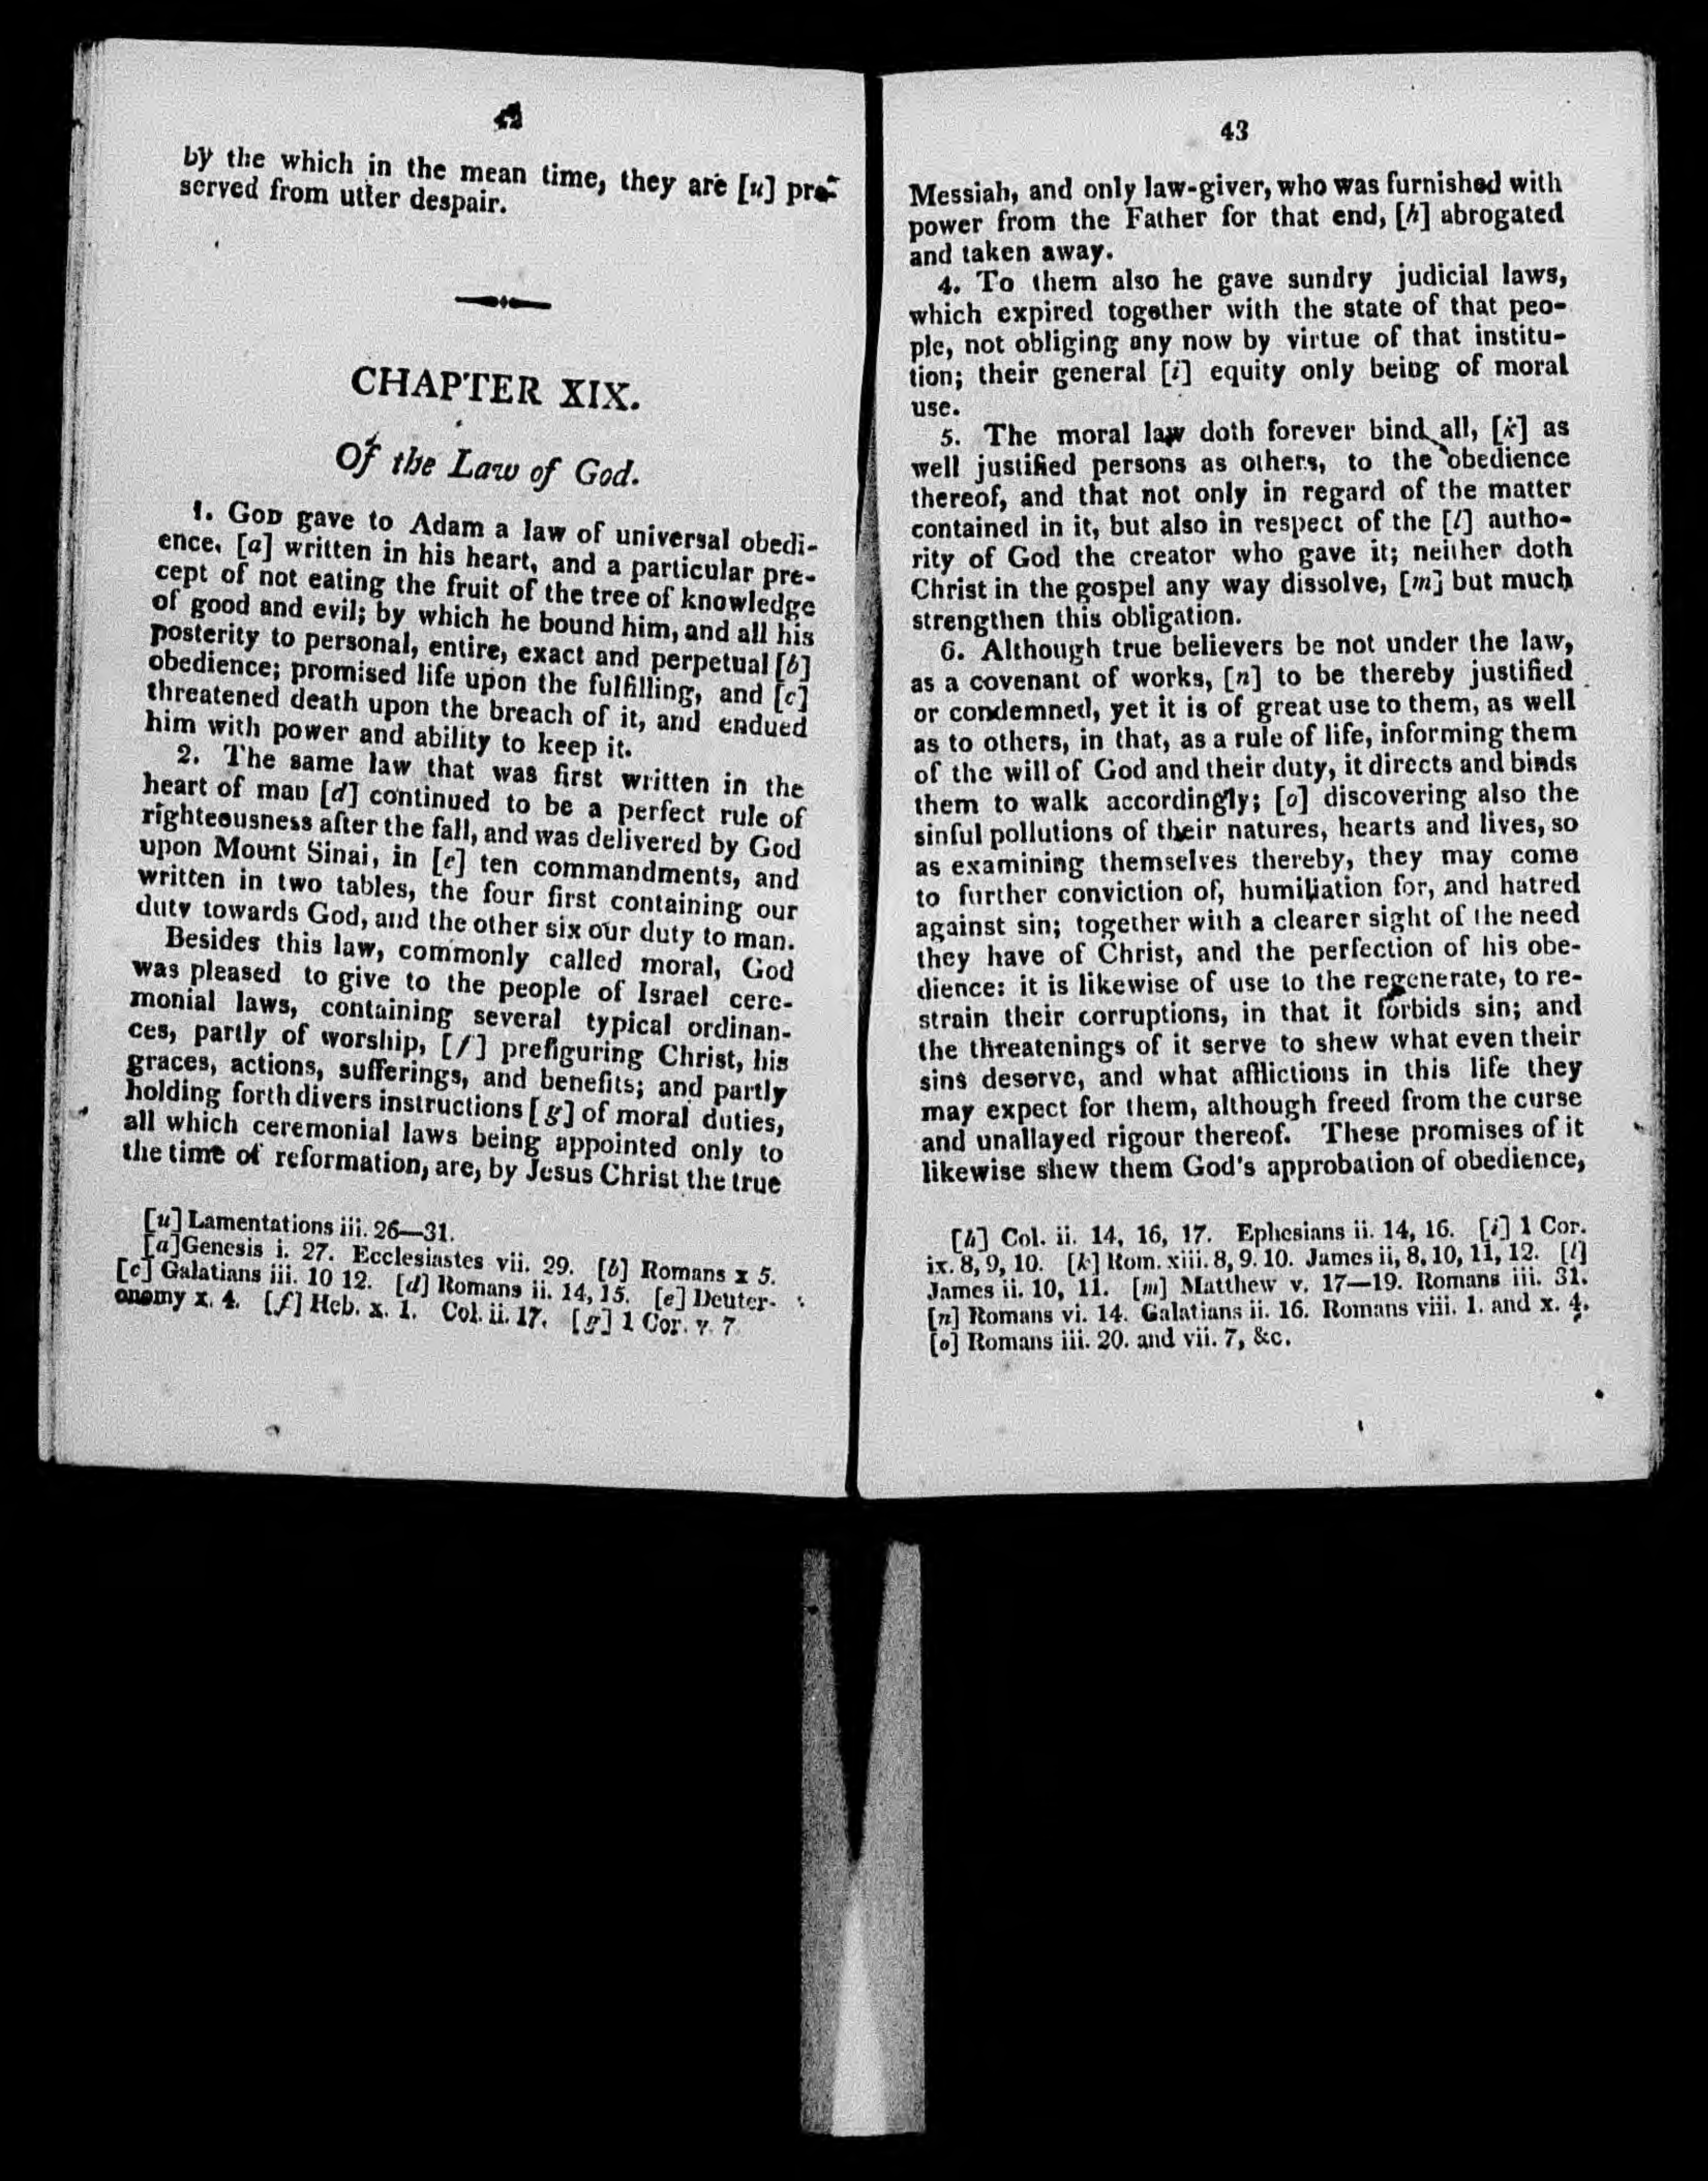42
by the which in the mean time, they are [u] preserved from utter despair.
CHAPTER XIX.
Of the Law of God.
1. God gave to Adam a law of universal obedience
[a] written in his heart, and a particular precept
of not eating the fruit of the tree of knowledge
of good and evil; by which he bound him, and all his
posterity to personal, entire, exact and perpetual [b]
obedience, promised life upon the fulfilling, and [c]
threatened death upon the breach of it, and endued
him with power and ability to keep it.
2. The same law that was first written in the
heart of man [d] continued to be a perfect rule of
righteousness after the fall, and was delivered by God
upon Mount Sinai, in [e] ten commandments, and
written in two tables, the four first containing our
duty towards God, and the other six our duty to man.
Besides this law, commonly called moral, God
was pleased to give to the people of Israel ceremonial
laws, containing several typical ordinances
, party of worship, [f] prefiguring Christ, his
graces, actions, sufferings, and benefits; and partly
holding forth divers instructions [g] of moral duties,
all which ceremonial laws being appointed only to
the time of reformation, are by Jesus Christ the true
[u] Lamentations in 26 - 31.
[a] Genesis is 27. Ecclesiastes vii. 29. [b] Romans x 5
[c] Galatians ii, 10 12 [d] Romans i. 14, 15. [e] Deuter-
anomy 4 [f] Heb. x 1. Col. ii. 17. 1[g] Cor. 7

43
Messiah, and only law-giver, who was furnished with
power from the Father for that end, [h] abrogated
and taken away.
4. To them also he gave sundry judicial laws,
which expired together with the state of that people, not obliging any now by virtue of that institution; their general [i] in equity only being of moral
use.
5. The moral law doth forever bind all, [k] as
well justified persons as others, to the obedience
thereof, and that not only in regard of the matter
contained in it, but also in respect of the [l] authority
of God the creator who gave it; neither doth
Christ in the gospel any way dissolve, [m] but much
strengthen this obligation.
6. Although true believers be not under the law,
as a covenant of works, [n] to be thereby justified
or condemned, yet it is of great use to them, as well as
to others, in that, as a rule of life, informing them
of the will of God and their duty, it directs and binds
them to walk accordingly; [o] discovering also the
sinful pollutions of their natures, hearts and lives, so
as examining themselves thereby they may come
to further conviction of humiliation for, and hatred
against sin; together with a clearer sight of the need
they have of Christ, and the perfection of his obedience: it is likewise of use to the regenerate, to restrain
their corruptions, in that it forbids sin; and
the threatenings of it serve to shew what even their
sins deserve, and what afflictions in this life they
may expect for them, although freed from the curse
and unallayed rigour thereof. These promises of it
likewise shew them God's approbation of obedience,
[h] Col. 11. 14. 16, 17. Ephesians ii. 14, 16. [i] 1 Cor. ix 8, 9, 10. [k] Rom. xii. 8, 9, 10. James ii, 8, 10, 11, 12. [l]
James 11. 10, 11. [m] Matthew v. 17-19. Romans iii. 31.
[n] Romans vi. 14. Galatians ii. 16. Romans viii. 1 and x. 4.
[o] Romans iii. 20, and vii. 7, &c.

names: Adam, James, Matthew, James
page: 33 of 98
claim: widow's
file: W. 8398, William Broadway, S.C.